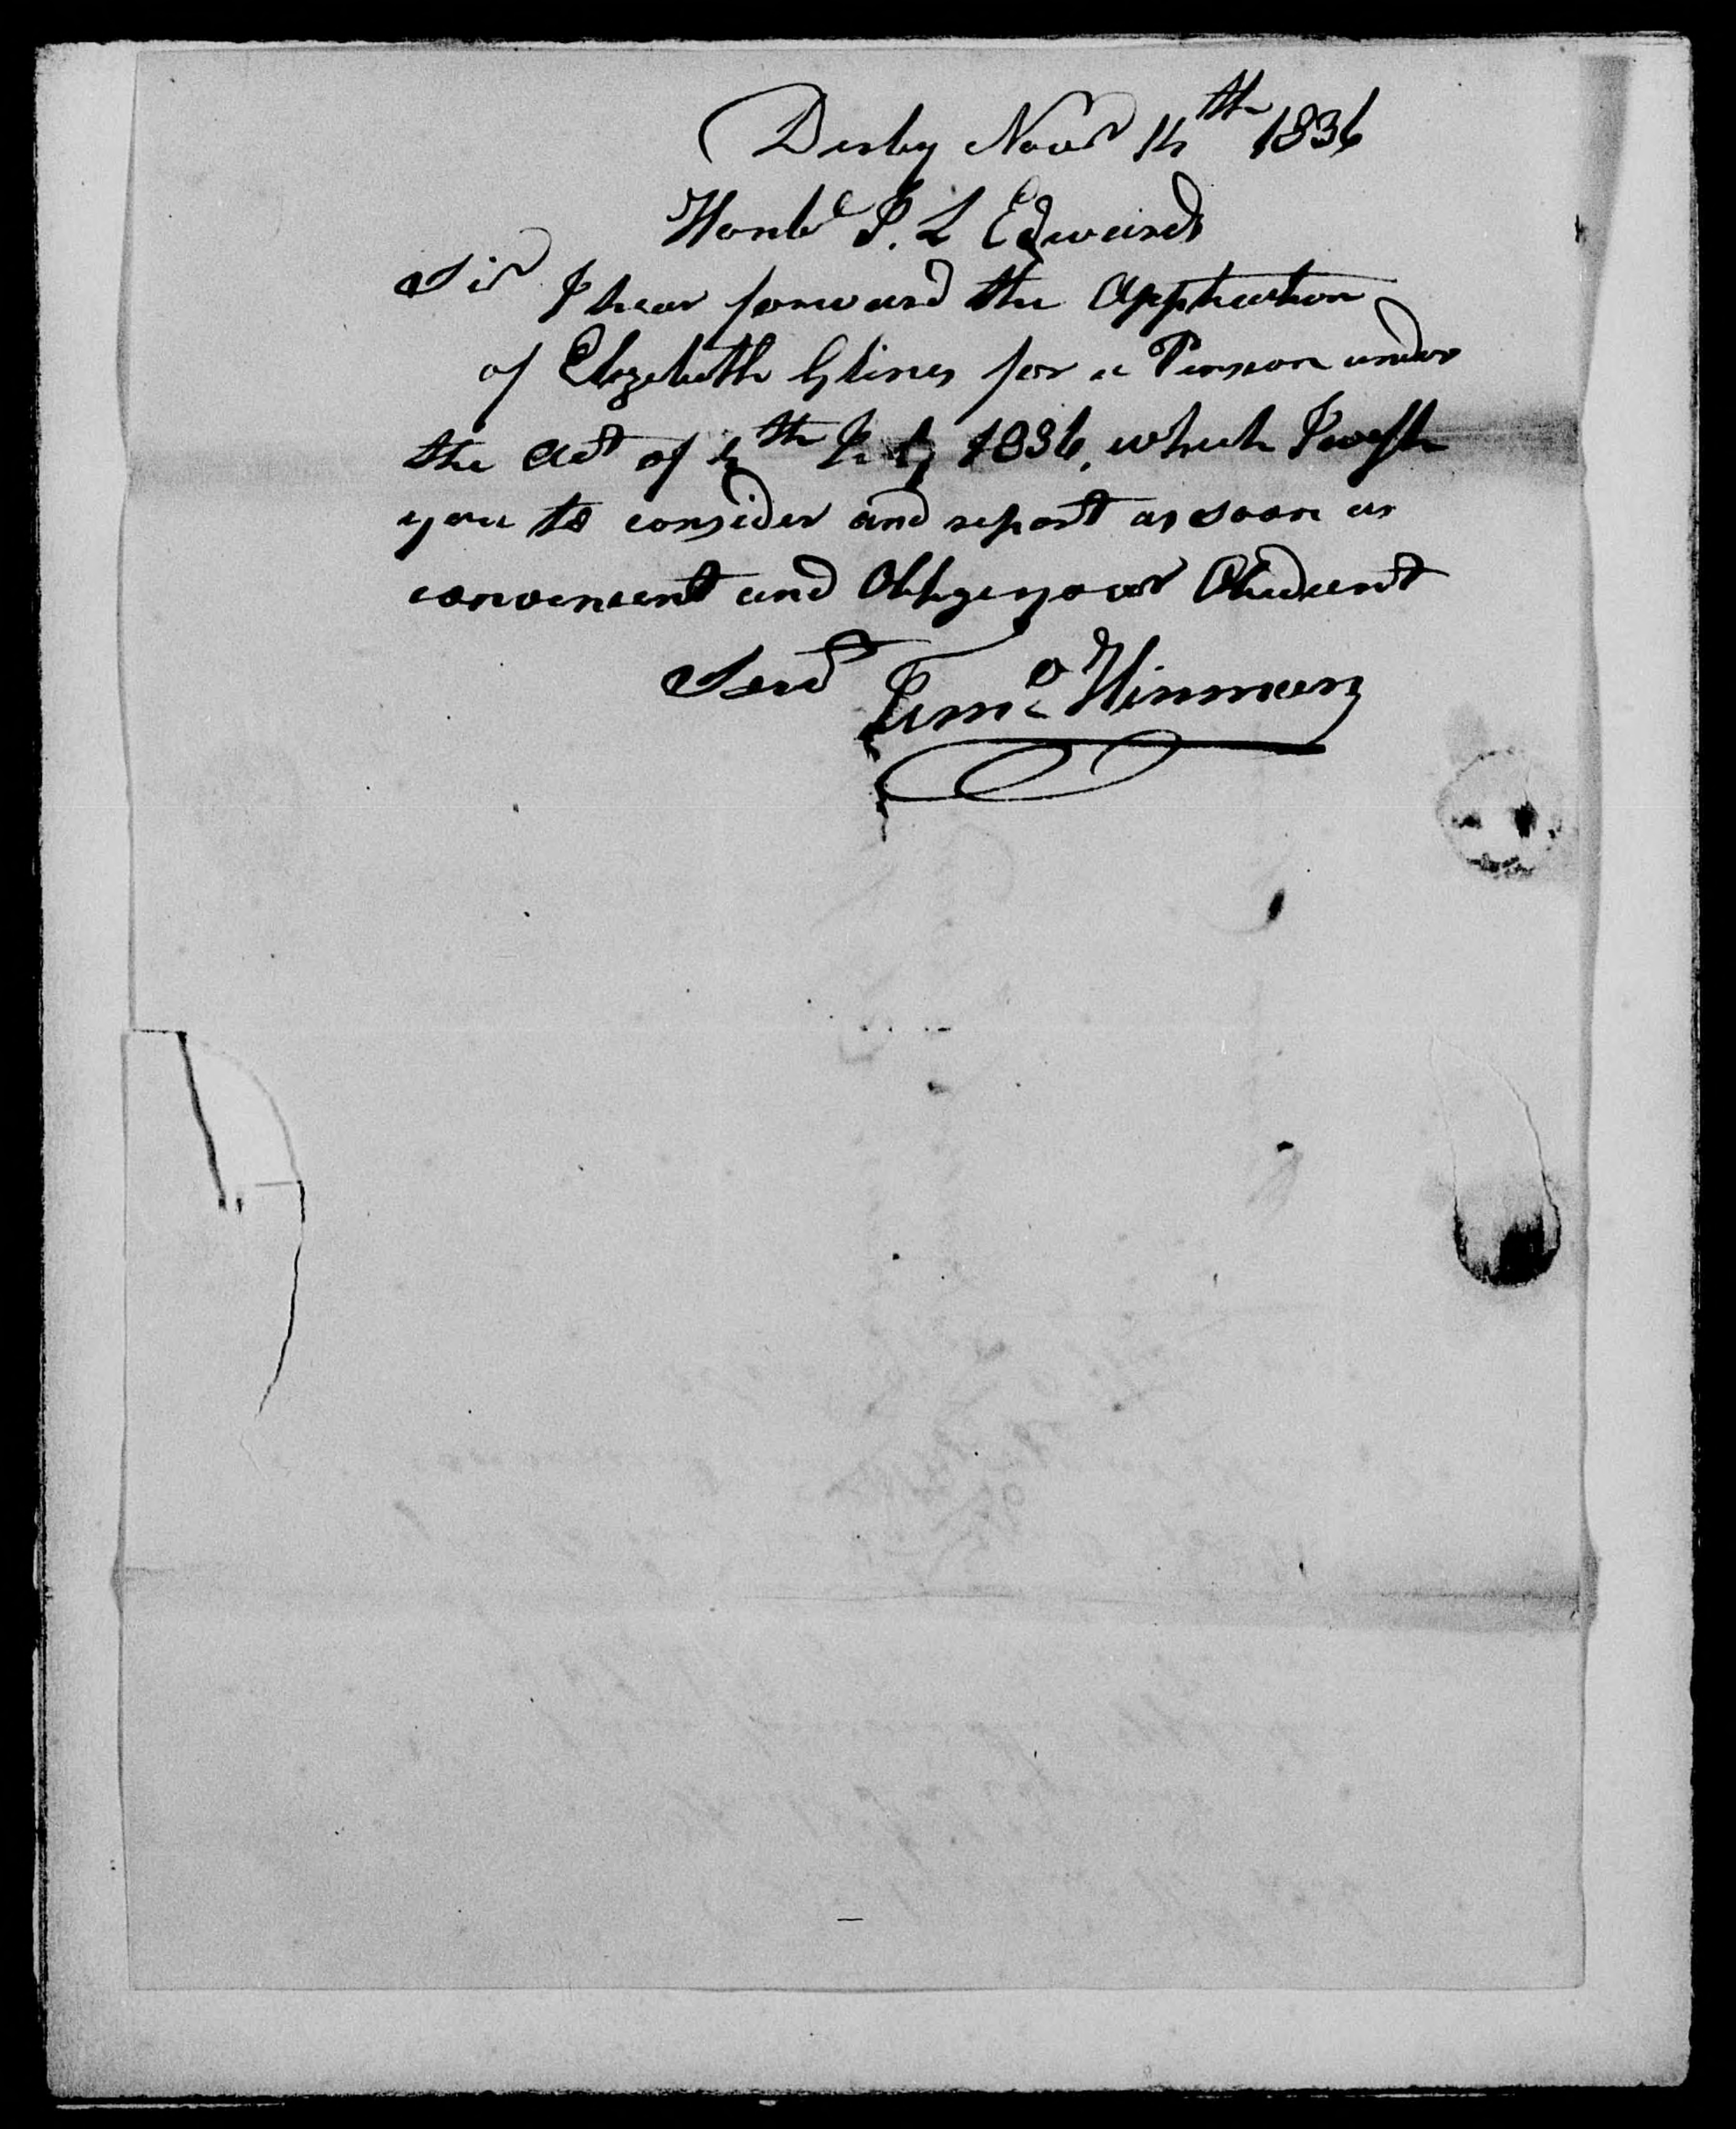Derby  Nov'r 14th 1836

Honb'l J. L. Edwards

Sir

I hear forward the Application of Elizabeth Glines for a Pension under the Act of 4th July 1836, which I wifh you to consider and report as soon as convenient and Oblige

your Obedient Serv't
Tim'o Hinman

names: Elizebeth Glines, Timo Hinman, J L Edwards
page: 26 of 29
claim: widow's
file: W. 24,282, Nathaniel Glines, N.H.